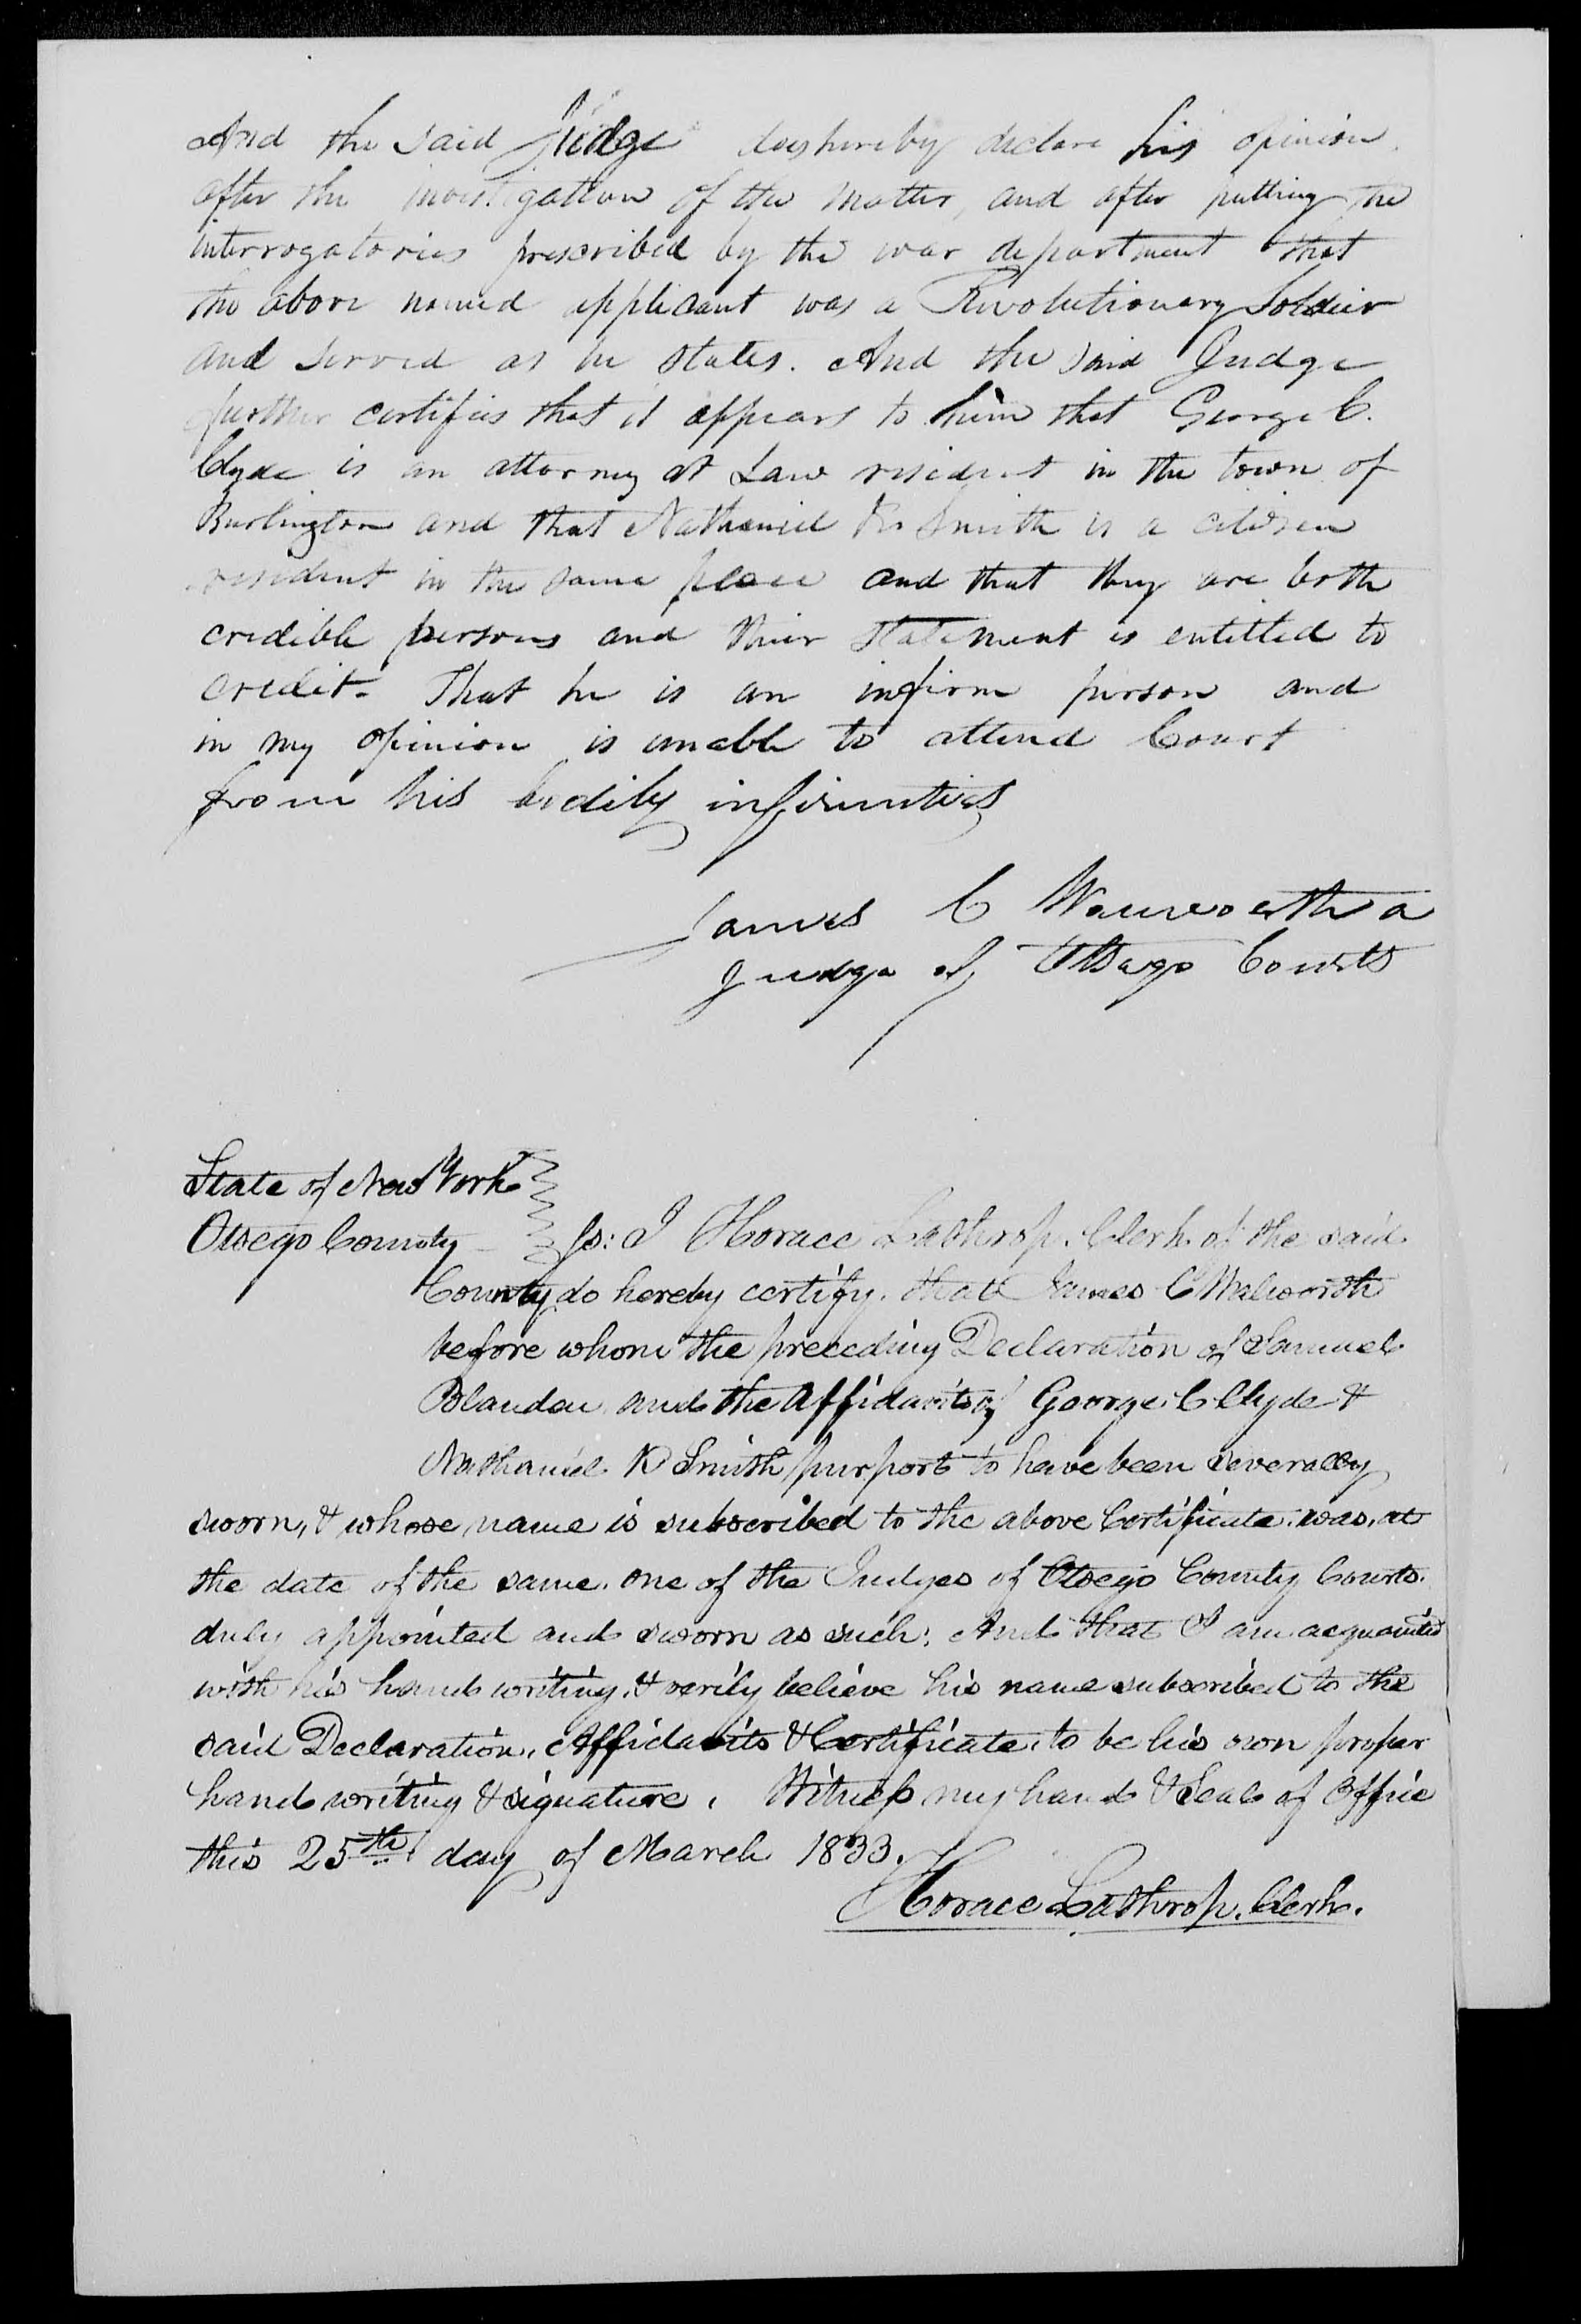And the said Judge does hereby declare his opinion after the investigation of the matter, and after putting the interrogatories prescribed by the war department that the above named applicant was a Revolutionary soldier and served as he states. And the said Judge further certifies that it appears to him that George C. Clyde is an attorney at Law resident in the town of Burlington and that Nathaniel K. Smith is a citizen resident in the same place and that they are both credible persons and their statement is entitled to credit. That he is an infirm person and in my opinion is unable to attend Court from his bodily infirmities.
James C Wallworth
Judge of Otsego Court


State of New York
Otsego County} ss. I Horace Lathrop Clerk of the said County do hereby certify that James C Wallworth before whom the preceding Declaration of Samuel Blanden and the affidavits of George C. Clyde & Nathaniel K. Smith purports to have been severally sworn & whose name is subscribed to the above certificate was, at the date of the same, one of the Judges of Otsego County Courts, duly appointed and sworn as such; And that I am acquainted with his hand writing & verily believe his name subscribed to the said Declaration, Affidavits, & Certificates to be his own proper hand writing & signature. Witness my hand & seal of Office this 25th day of March 1833.
Horace Lathrop Clerk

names: Samuel Blanden, Nathaniel K Smith, George C Clyde, George C Clyde, Horace Lathrop, James C Wallworth, Nathaniel K Smith, Horace Lathrop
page: 6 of 14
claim: survivor's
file: S. 10389, Samuel Blanden, Conn. Mass